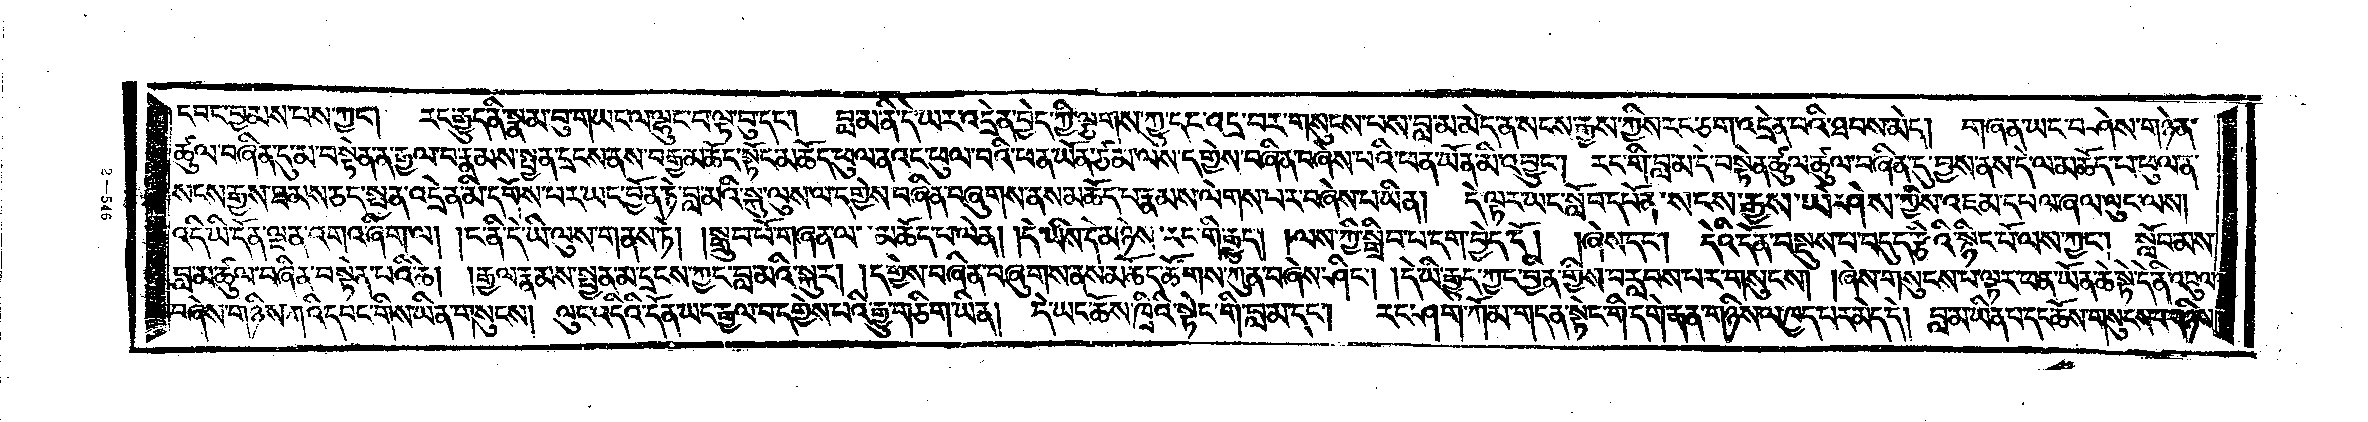དབང་བྱམས་པས་ཀྱང་། རང་རྒྱུད་ནི་སྣམ་བུ་གཡང་ལ་ལྷུང་བ་ལྟ་བུ་དང་། བླ་མ་ནི་དེ་ཡར་འདྲེན་བྱེད་ཀྱི་ལྕགས་ཀྱུ་དང་འདྲ་བར་གསུངས་པས་བླ་མ་མེད་ན་སངས་རྒྱས་ཀྱིས་རང་ཅག་འདྲེན་པའི་ཐབས་མེད། གཞན་ཡང་བཤེས་གཉེན་
ཚུལ་བཞིན་དུ་མ་བསྟེན་ན་རྒྱལ་བ་རྣམས་སྤྱན་དྲངས་ནས་བརྒྱ་མཆོད་སྟོང་མཆོད་ཕུལ་ནའང་ཕུལ་བའི་ཕན་ཡོན་ཙམ་ལས་དགྱེས་བཞིན་བཞེས་པའི་ཕན་ཡོན་མི་འབྱུང་། རང་གི་བླ་མ་དེ་བསྟེན་ཚུལ་ཚུལ་བཞིན་དུ་བྱས་ནས་དེ་ལ་མཆོད་པ་ཕུལ་ན་
སངས་རྒྱས་ཐམས་ཅད་སྤྱན་འདྲེན་མི་དགོས་པར་ཡང་བྱོན་ཏེ་བླ་མའི་སྐུ་ལུས་ལ་དགྱེས་བཞིན་བཞུགས་ནས་མཆོད་པ་རྣམས་ལེགས་པར་བཞེས་པ་ཡིན། དེ་ལྟར་ཡང་སློབ་དཔོན་སངས་རྒྱས་ཡེ་ཤེས་ཀྱིས་འཇམ་དཔལ་ཞལ་ལུང་ལས།
འདི་ཡི་དོན་ལྡན་འགའ་ཞིག་ལ། །ང་ནི་དེ་ཡི་ལུས་གནས་ཏེ། །སྒྲུབ་པོ་གཞན་ལ་མཆོད་པ་ལེན། །དེ་ཡིས་དེ་མཉེས་རང་གི་རྒྱུད། །ལས་ཀྱི་སྒྲིབ་པ་དག་བྱེད་དོ། །ཞེས་དང་། དེའི་དོན་བསྡུས་པ་བདུད་རྩིའི་སྙིང་པོ་ལས་ཀྱང་། སློབ་མས་
བླ་མ་ཚུལ་བཞིན་བསྟེན་པའི་ཆེ། །རྒྱལ་རྣམས་སྤྱན་མ་དྲངས་ཀྱང་བླ་མའི་སྐུར། །དགྱེས་བཞིན་བཞུགས་ནས་མཆོད་ཚོགས་ཀུན་བཞེས་ཤིང་། །དེ་ཡི་རྒྱུད་ཀྱང་བྱིན་གྱིས་བརླབས་པར་གསུངས། །ཞེས་གསུངས་པ་ལྟར་ཕན་ཡོན་ཆེ་སྟེ་དེ་ནི་འབུལ་
བཞེས་གཉིས་ཀའི་དབང་གིས་ཡིན་གསུངས། ལུང་འདིའི་དོན་ཡང་རྒྱལ་བ་དགྱེས་པའི་རྒྱུ་གཅིག་ཡིན། དེ་ཡང་ཆོས་ཁྲིའི་སྟེང་གི་བླ་མ་དང་། རང་ཤག་ཀོམ་གདན་སྟེང་གི་དགེ་རྒན་གཉིས་ལ་ཁྱད་པར་མེད་དེ། བླ་མ་ཡིན་པ་དང་ཆོས་གསུངས་པ་གཉིས་